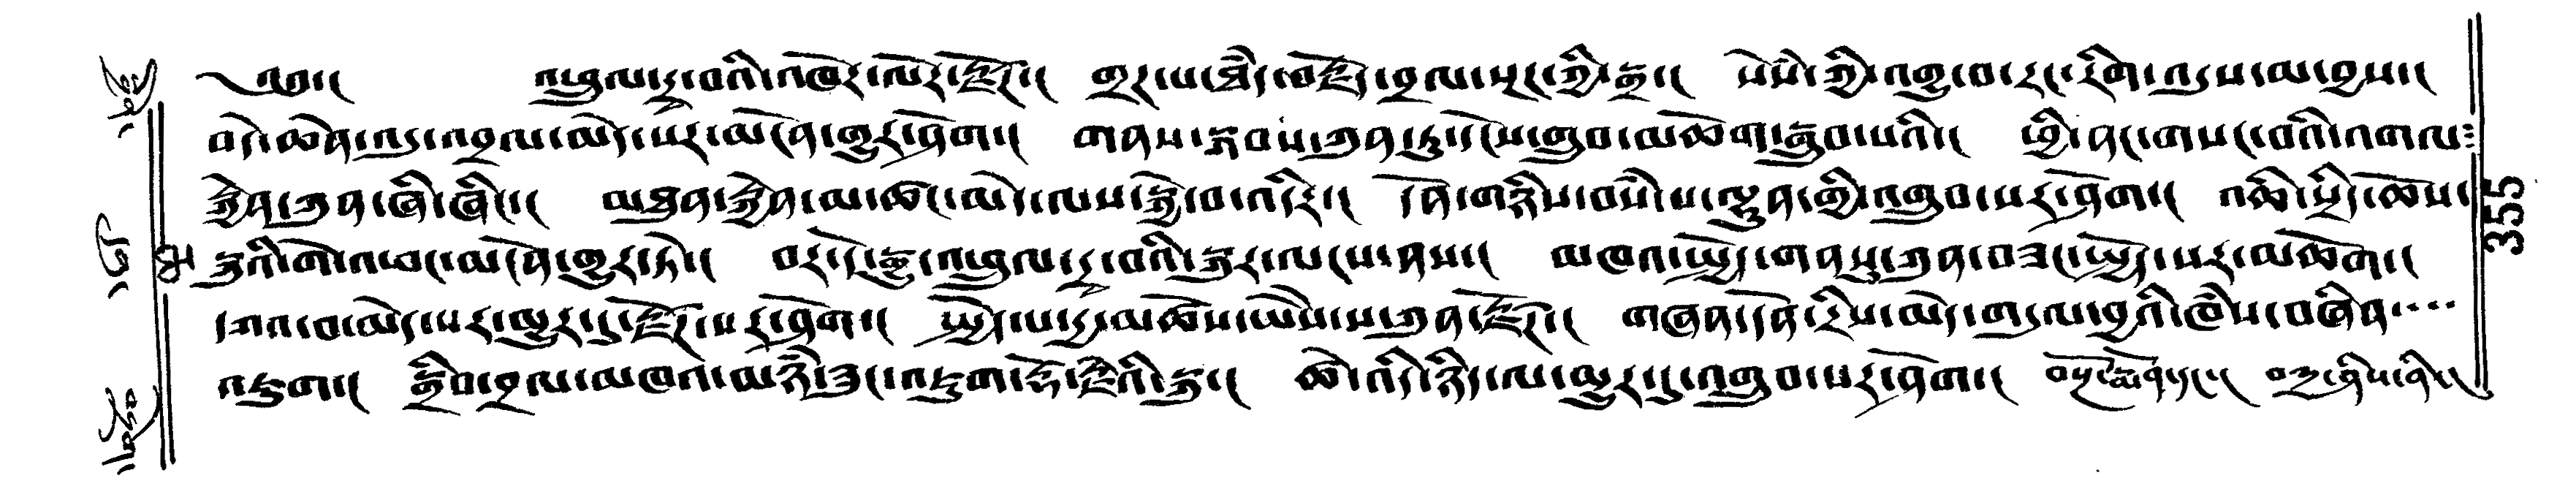འཕྲུལ་དྲྭ་བའི་འཁོར་ལོར་རྫོགས། །གྲགས་པ་ཐམས་ཅད་བརྗོད་བྲལ་སྔགས་ཀྱི་སྒྲ། །སེམས་ཀྱི་འགྱུ་བ་རང་རིག་འདུས་མ་བྱས། །
བདེ་ཆེན་འདུ་འབྲལ་མེད་པར་མངོན་གྱུར་ཤོག །གནས་སྐབས་ཀུན་ཏུ་དངོས་གྲུབ་མཆོག་སྒྲུབ་པའི། །ཕྱི་ནང་གསང་བའི་འགལ་
རྐྱེན་ཀུན་ཞི་ཞིང་། །མཐུན་རྐྱེན་མ་ཚང་མེད་ལས་སྐྱེ་བ་འདིར། །དོན་གཉིས་བསམ་པ་ལྷུན་གྱི་འགྲུབ་པར་ཤོག འཆི་སྲིད་ཆོས་
སྐུའི་གོ་འཕང་མངོན་གྱུར་ཏེ། །བར་དོ་སྒྱུ་འཕྲུལ་དྲྭ་བའི་སྐུར་ལངས་ནས། །མཁའ་སྤྱོད་གནས་སུ་ཀུན་བཟང་སྤྱོད་པ་མཆོག །
དཀའ་བ་མེད་པར་མྱུར་དུ་རྫོགས་པར་ཤོག །སྤྱོད་པ་རྒྱ་མཚོས་ཡེ་ཤེས་ས་ཀུན་རྫོགས། །གཞན་དོན་རིས་མེད་གདུལ་བྱའི་ཁམས་བཞིན་
འཇུག །སྒྲིབ་བྲལ་མཁའ་མཉམ་ཟུང་འཇུག་རྡོ་རྗེའི་སྐུ། །ཚེ་འདི་ཉིད་ལ་མྱུར་དུ་འགྲུབ་པར་ཤོག བསྔོ་སྨོན་དང་། །བཀྲ་ཤིས་ནི།